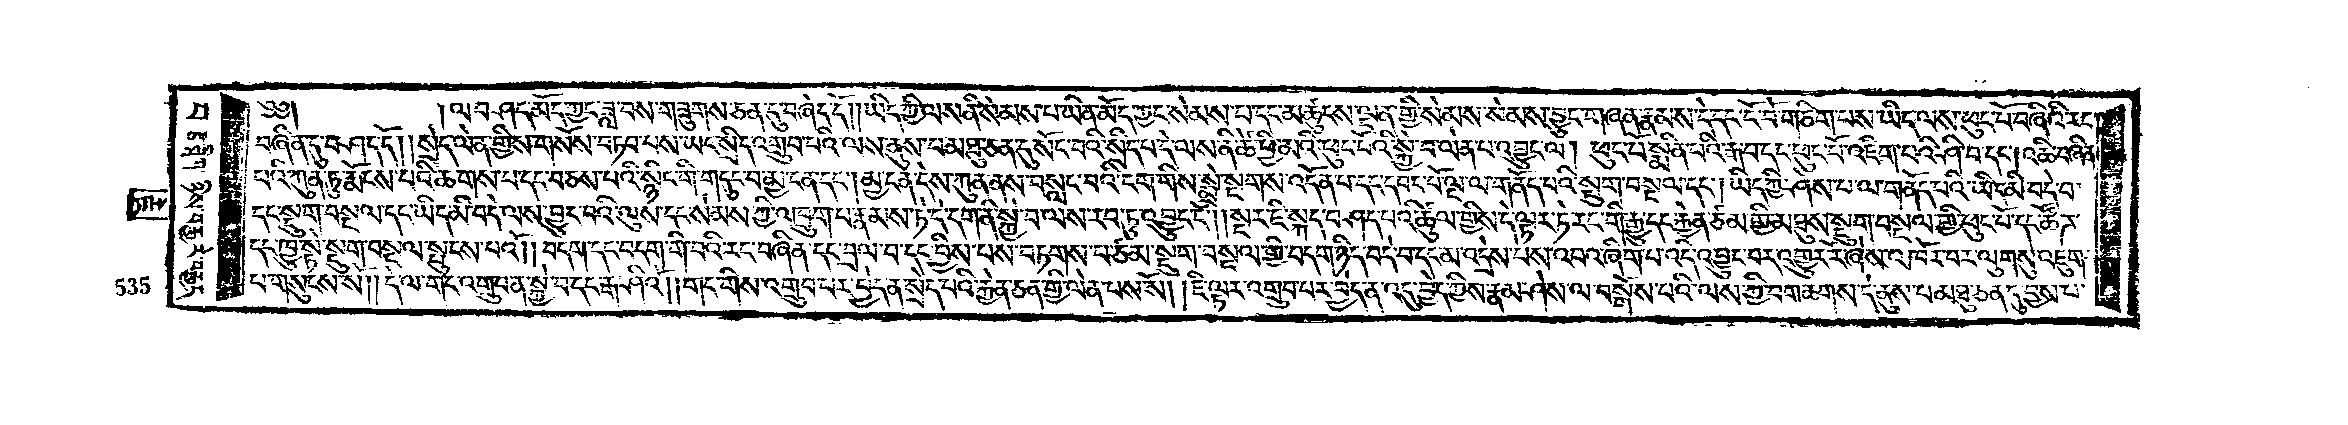༄༅། །ལ་བཤད་མོད་ཀྱང་ཟླ་བས་གཟུགས་ཅན་དུ་བཞེད་དོ། །ཡིད་ཀྱི་ལས་ནི་སེམས་པ་ཡིན་ཡོད་ཀྱང་སེམས་པ་དང་མཚུངས་ལྡན་གྱི་སེམས་སེམས་བྱུང་གཞན་རྣམས་དེ་དང་ངོ་བོ་གཅིག་པས་ཡིད་ལས་ཕུང་པོ་བཞིའི་རང་
བཞིན་དུ་བཤད་དོ། །སྲེད་ལེན་གྱིས་གོས་བཏབ་པས་ཡང་སྲིད་འགྲུབ་པའི་ལས་ནུས་པ་མཐུ་ཅན་དུ་སོང་བའི་སྲིད་པ་དེ་ལས་ནི་ཚེ་ཕྱི་མའི་ཕུང་པོའི་སྐྱེ་བ་ལེན་པ་འབྱུང་ལ། ཕུང་པོ་སྨྲིན་པའི་རྒ་བ་དང་ཕུང་པོ་འཇིག་པའི་ཤི་བ་དང་། འཆི་བཞིན་
པའི་ཀུན་ཏུ་རྨོངས་པའི་ཆགས་པ་དང་བཅས་པའི་སྙིང་གི་གདུང་བ་མྱ་ངན་དང་། མྱང་ངན་དེས་ཀུན་ནས་བསླང་བའི་ངག་གིས་སྨྲེ་སྔགས་འདོན་པ་དང་དབང་པོ་ལྔ་ལ་གནོད་པའི་སྡུག་བསྔལ་དང་། ཡིད་ཀྱི་ཤེས་པ་ལ་གནོད་པའི་ཡིད་མི་བདེ་བ་
དང་སྡུག་བསྔལ་དང་ཡིད་མི་བདེ་ལས་བྱུང་བའི་ལུས་དང་སེམས་ཀྱི་འཁྲུག་པ་རྣམས་ཏེ་དེ་དག་ནི་སྐྱེ་བ་ལས་རབ་ཏུ་འབྱུང་ངོ། །སྔར་ཇི་སྐད་བཤད་པའི་ཚུལ་གྱིས་དེ་ལྟར་ཏེ་རང་གི་རྒྱུ་དང་རྐྱེན་ཙམ་གྱི་མཐུས་སྡུག་བསྔལ་གྱི་ཕུང་པོ་དང་ཚོཌ་
དང་ཁྱུ་སྟེ་སྡུག་བསྔལ་སྤངས་པའོ། །དག་དང་བདག་གི་བའི་རང་བཞིན་དང་བྲལ་བ་དང་བྱིས་པས་བཏགས་པས་ཙམ་སྡུག་བསྔལ་གྱི་བདག་ཡི་བདེ་བ་དང་མ་འདྲེས་པ་འདའ་ཞིག་པ་འདི་འབྱུང་བར་འགྱུར་རོ་ཞེས་ལ་འཁོར་བར་ལུགས་སུ་འཇུག་
པ་གསུངས་སོ། །དེ་ལ་གོང་འགྲུབ་ན་སྐྱེ་བ་དང་རྒ་ཤིའོ། །གང་གིས་འགྲུབ་པར་བྱེད་ན་སྲེད་པའི་རྐྱེན་ཅན་གྱི་ལེན་པས་སོ། །ཇི་ལྟར་འགྲུབ་པར་བྱེད་ན་འདུ་བྱེ་ཀྱིས་རྣམ་ཤེས་ལ་བསྒོས་པའི་ལས་ཀྱི་བག་ཆགས་དེ་ནུས་པ་མཐུ་ཅན་དུ་བྱས་པ་